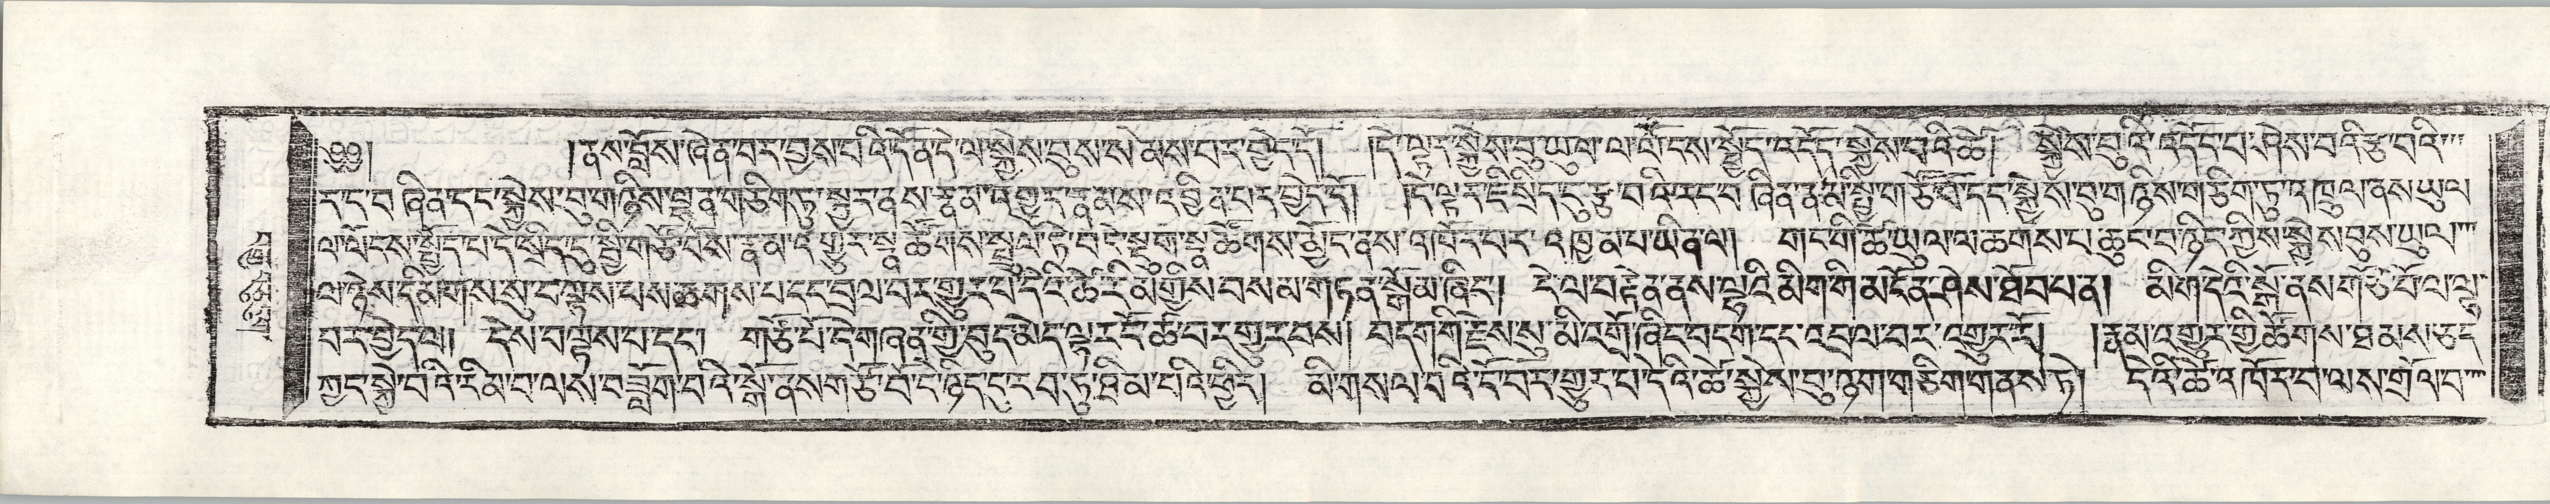ནས་བློས་ཞེན་པར་བྱས་པའི་དོན་དེ་ལ་སྐྱེས་བུས་སེམས་པར་བྱེད་དེ། །དེ་ལྟར་སྐྱེས་བུ་ཡུལ་ལ་ལོངས་སྤྱོད་འདོད་སྐྱེས་པའི་ཚེ། སྐྱེས་བུའི་འདོད་པ་ཤེས་པའི་རྩ་བའི་རང་བཞིན་དང་སྐྱེས་བུ་༄༅། །གཉིས་ལྷན་གཅིག་ཏུ་སྦྱར་ནས་རྣམ་འགྱུར་རྣམས་འབྱིན་པར་བྱེད་དོ། །དེ་ལྟར་ཇི་སྲིད་དུ་རྩ་བའི་རང་བཞིན་ནམ་སྤྱི་གཙོ་བོ་དང་སྐྱེས་བུ་གཉིས་གཅིག་ཏུ་འཁྲུལ་ནས་ཡུལ་ལ་ལོངས་སྤྱོད་པ་དེ་སྲིད་དུ་སྤྱི་གཙོ་བོས་རྣམ་འགྱུར་སྣ་
ཚོགས་སྤྲུལ་ཏེ་བདེ་སྡུག་སྣ་ཚོགས་མྱོང་ནས་འཁོར་བར་འཁྱམས་པ་ཡིན་ལ། གང་གི་ཚེ་ཡུལ་ལ་ཆགས་པ་ཆུང་བ་ཉིད་ཀྱིས་སྐྱེས་བུས་ཡུལ་ལ་ཉེས་དམིགས་སུ་བལྟས་པས་ཆགས་པ་དང་བྲལ་བར་གྱུར་བ་དེའི་ཚེ་རིམ་གྱིས་བསམ་གཏན་སྒོམ་
ཞིང་། དེ་ལ་བརྟེན་ནས་ལྷའི་མིག་གི་མངོན་ཤེས་ཐོབ་པ་ན། མིག་དེའི་སྒོ་ནས་གཙོ་བོ་ལ་ལྟ་བར་བྱེད་ལ། དེས་བལྟས་པ་དང་། གཙོ་བོ་དེ་གཞན་གྱི་བུད་མེད་ལྟར་ངོ་ཚ་བར་གྱུར་བས། བདག་གི་རྗེས་སུ་མི་འགྲོ་ཞིང་བདག་དང་འབྲལ་བར་འགྱུར་རོ།
རྣམ་འགྱུར་གྱི་ཚོགས་ཐམས་ཅད་ཀྱང་སྐྱེ་བའི་རིམ་པ་ལས་བཟློག་པའི་སྒོ་ནས་གཙོ་བོ་དེ་ཉིད་དུ་རབ་ཏུ་ཐིམ་པའི་ཕྱིར། མི་གསལ་བའི་ངོ་བོར་གྱུར་བ་དེའི་ཚེ་སྐྱེས་བུ་ཉག་གཅིག་གནས་ཏེ། དེའི་ཚེ་འཁོར་བ་ལས་གྲོལ་བ་